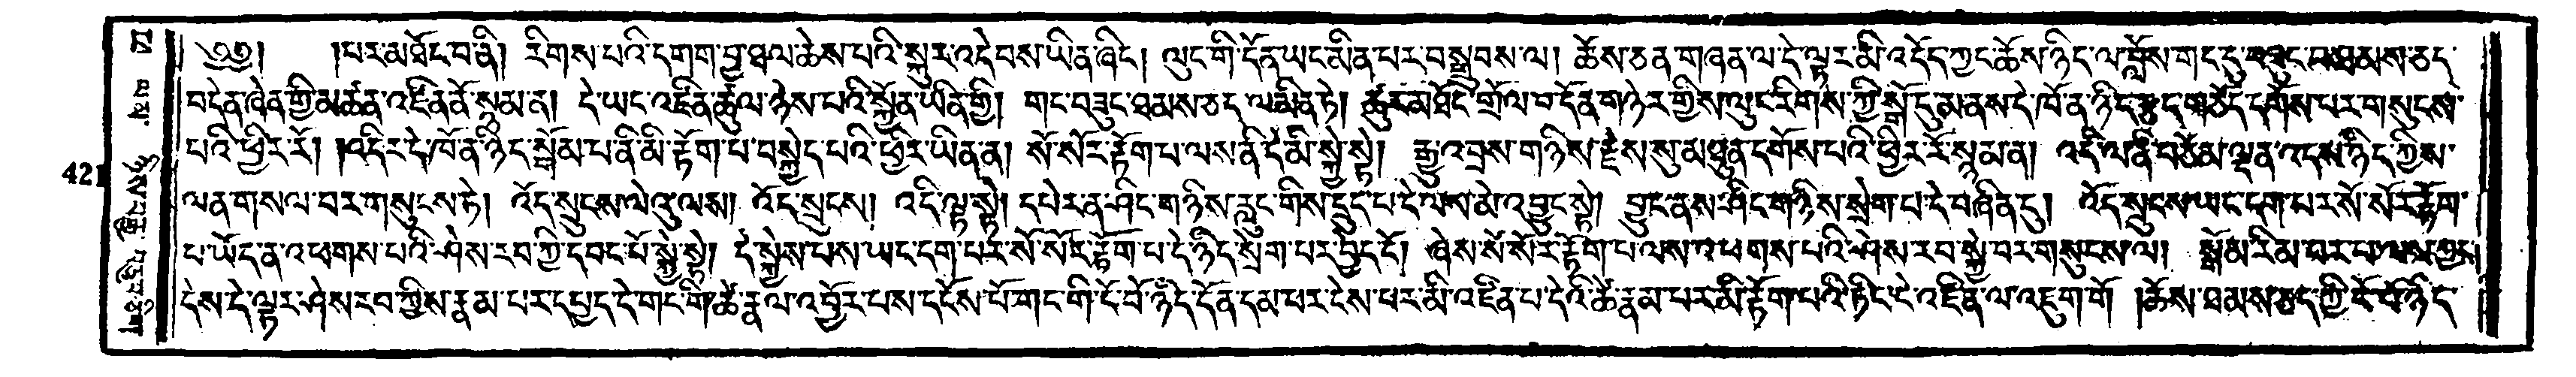༄༅། །པར་མཐོང་བ་ནི། རིགས་པའི་དགག་བྱ་ཐལ་ཆེས་པའི་སྐུར་འདེབས་ཡིན་ཞིང་། ལུང་གི་དོན་ཡང་མིན་པར་བསྒྲུབས་ལ། ཆོས་ཅན་གཞན་ལ་དེ་ལྟར་མི་འདོད་ཀྱང་ཆོས་ཉིད་ལ་བློས་གང་དུ་བཟུང་བ་ཐམས་ཅད་
བདེན་ཞེན་གྱི་མཚན་འཛིན་ནོ་སྙམ་ན། དེ་ཡང་འཛིན་ཚུལ་ཉེས་པའི་སྐྱོན་ཡིན་གྱི། གང་བཟུང་ཐམས་ཅད་ལ་མིན་ཏེ། ཚུར་མཐོང་གྲོལ་བ་དོན་གཉེར་གྱིས་ལུང་རིགས་ཀྱི་སྒོ་དུ་མ་ནས་དེ་ཁོ་ན་ཉིད་རྩད་གཅོད་དགོས་པར་གསུངས་
པའི་ཕྱིར་རོ། །འདིར་དེ་ཁོ་ན་ཉིད་སྒོམ་པ་ནི་མི་རྟོག་པ་བསྐྱེད་པའི་ཕྱིར་ཡིན་ན། སོ་སོར་རྟོག་པ་ལས་ནི་དེ་མི་སྐྱེ་སྟེ། རྒྱུ་འབྲས་གཉིས་རྗེས་སུ་མཐུན་དགོས་པའི་ཕྱིར་རོ་སྙམ་ན། འདི་ལ་ནི་བཅོམ་ལྡན་འདས་ཉིད་ཀྱིས་
ལན་གསལ་བར་གསུངས་ཏེ། འོད་སྲུངས་ལེའུ་ལས། འོད་སྲུངས། འདི་ལྟ་སྟེ། དཔེར་ན་ཤིང་གཉིས་རླུང་གིས་དྲུད་པ་དེ་ལས་མེ་འབྱུང་སྟེ། བྱུང་ནས་ཤིང་གཉིས་སྲེག་པ་དེ་བཞིན་དུ། འོད་སྲུངས་ཡང་དག་པར་སོ་སོར་རྟོག་
པ་ཡོད་ན་འཕགས་པའི་ཤེས་རབ་ཀྱི་དབང་པོ་སྐྱེ་སྟེ། དེ་སྐྱེས་པས་ཡང་དག་པར་སོ་སོར་རྟོག་པ་དེ་ཉིད་སྲེག་པར་བྱེད་དོ། ཞེས་སོ་སོར་རྟོག་པ་ལས་འཕགས་པའི་ཤེས་རབ་སྐྱེ་བར་གསུངས་ལ། སྒོམ་རིམ་བར་པ་ལས་ཀྱང་།
དེས་དེ་ལྟར་ཤེས་རབ་ཀྱིས་རྣམ་པར་དཔྱད་དེ་གང་གི་ཚེ་རྣལ་འབྱོར་པས་དངོས་པོ་གང་གི་ངོ་བོ་ཉིད་དོན་དམ་པར་ངེས་པར་མི་འཛིན་པ་དེའི་ཚེ་རྣམ་པར་མི་རྟོག་པའི་ཏིང་ངེ་འཛིན་ལ་འཇུག་གོ །ཆོས་ཐམས་ཅད་ཀྱི་ངོ་བོ་ཉིད་